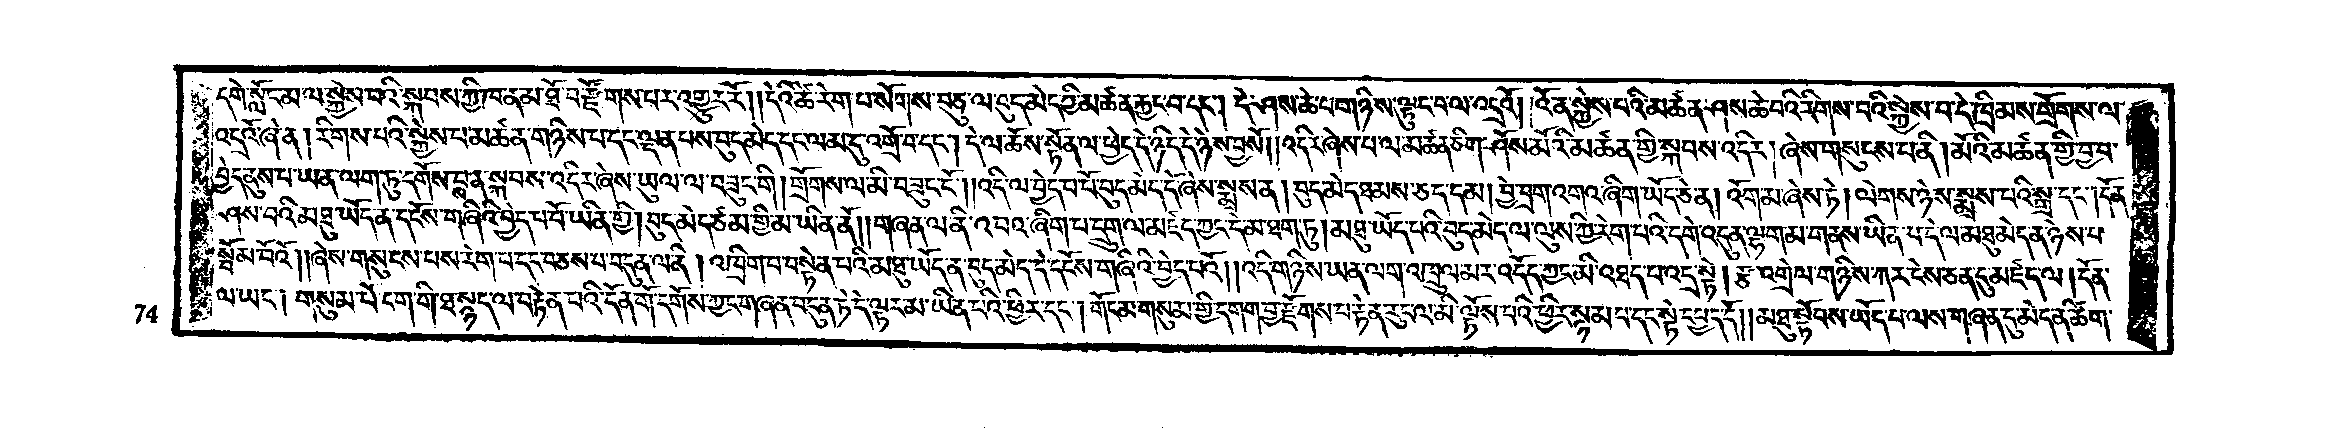དགེ་སློང་མ་ལ་སྐྱེས་པའི་སྐབས་ཀྱི་ཁ་ན་མ་ཐོ་བ་རྫོགས་པར་འགྱུར་རོ། །དེའི་ཚེ་རེག་པ་སོགས་བཅུ་ལ་བུད་མེད་ཀྱི་མཚན་རྐྱང་པ་དང་། དེ་ཤས་ཆེ་བ་གཉིས་ལྟུང་བ་ལ་འདྲའོ། །འོ་ན་སྐྱེས་པའི་མཚན་ཤས་ཆེ་བའི་རིགས་པའི་སྐྱེས་བ་དེ་ཁྲིམས་གྲོགས་ལ་
འདྲའོ་ཞེ་ན། རིགས་པའི་སྐྱེས་པ་མཚན་གཉིས་པ་དང་ལྡན་པས་བུད་མེད་དང་ལམ་དུ་འགྲོ་བ་དང་། དེ་ལ་ཆོས་སྟོན་ལ་ཕྱེད་དེ་ཉིད་དེ་ཉེས་བྱས་སོ། །འདིར་ཞེས་པ་ལ་མཚན་ཅིག་ཤོས་མོའི་མཚན་གྱི་སྐབས་འདིར། ཞེས་གསུངས་པ་ནི། མོའི་མཚན་གྱི་བྱ་བ་
བྱེད་ནུས་པ་ཡན་ལག་ཏུ་དགོས་པས་ན་སྐབས་འདིར་ཞེས་ཡུལ་ལ་བཟུང་གི །གྲོགས་ལ་མི་བཟུང་ངོ། །འདི་ལ་བྱེད་པ་པོ་བུད་མེད་དོ་ཞེས་སྨྲས་ན། བུད་མེད་ཐམས་ཅད་དམ། བྱེ་བྲག་འགའ་ཞིག་ཡོད་ཅེ་ན། འོག་མ་ཞེས་ཏེ། ལེགས་ཉེས་སྨྲས་པའི་སྒྲ་དང་། དོན་
ཤེས་པའི་མཐུ་ཡོད་ན་དངོས་གཞིའི་བྱེད་པ་པོ་ཡིན་གྱི། བུད་མེད་ཙམ་གྱི་མ་ཡིན་ནོ། །གཞན་ལ་ནི་འབའ་ཞིག་པ་དྲུག་ལ་མཛད་ཀྱང་དེ་མ་ཐག་ཏུ། མཐུ་ཡོད་པའི་བུད་མེད་ལ་ལུས་ཀྱི་རེག་པའི་དགེ་འདུན་ལྷག་མ་གནས་ཡིན་པ་དེ་ལ་མཐུ་མེད་ན་ཉེས་པ་
སྦོམ་པོའོ། །ཞེས་གསུངས་པས་རེག་པ་དང་བཅས་པ་བདུན་ལ་ནི། འཁྲིག་པ་བསྟེན་པའི་མཐུ་ཡོད་ན་བུད་མེད་དེ་དངོས་གཞིའི་བྱེད་པའོ། །འདི་གཉིས་ཡན་ལག་འཁྲུལ་མར་འདོད་ཀྱང་མི་འཐད་པ་འདྲ་སྟེ། རྩ་འགྲེལ་གཉིས་ཀར་ངེས་ཅན་དུ་མཛད་ལ། དོན་
ལ་ཡང་། གསུམ་པོ་ངག་གི་ཐ་སྙད་ལ་བརྟེན་པའི་དོན་གོ་དགོས་ཀྱང་གཞན་བདུན་ཏེ་དེ་ལྟར་མ་ཡིན་པའི་ཕྱིར་དང་། གོང་མ་གསུམ་གྱི་དགག་བྱ་རྫོགས་པ་རྟེན་རུང་ལ་མི་ལྟོས་པའི་ཕྱིར་སྙམ་པ་དང་སྟེ་དཔྱད་དོ། །མཐུ་སྟོབས་ཡོད་པ་ལས་གཞན་དུ་མེད་ན་ཚིག་